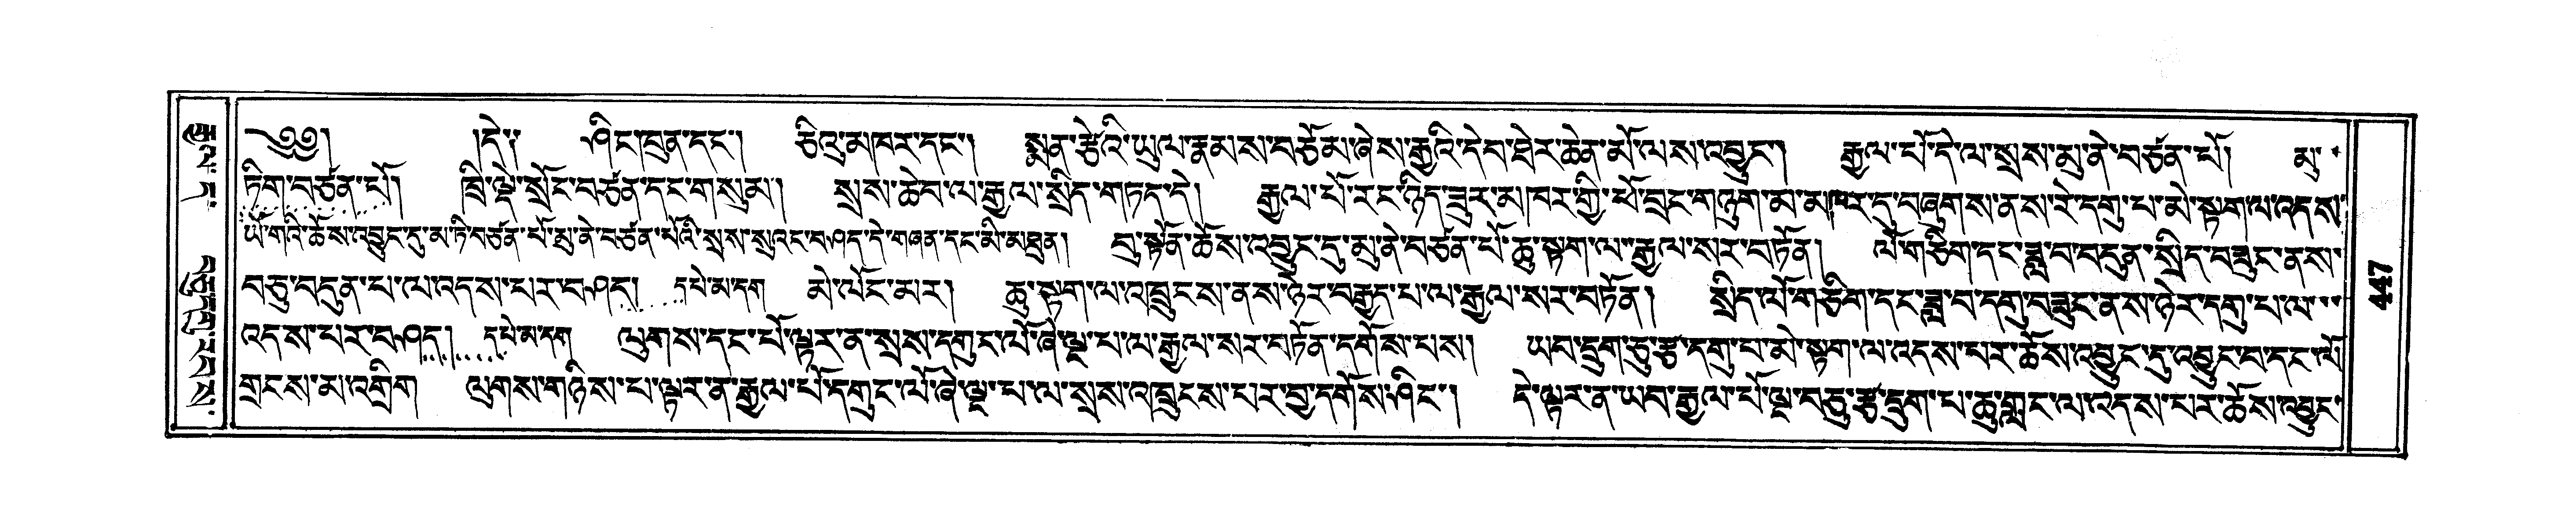༄༅། །དེ༑ ཤིང་ཁུན་དང་། ཅིའུ་མཁར་དང་། སྨན་རྩེའི་ཡུལ་རྣམས་བཅོམ་ཞེས་རྒྱའི་དེབ་ཐེར་ཆེན་མོ་ལས་འབྱུང་། རྒྱལ་པོ་དེ་ལ་སྲས་མུ་ནེ་བཙན་པོ། མུ་
ཏིག་བཙན་པོ། ཁྲི་ལྡེ་སྲོང་བཙན་དང་གསུམ། སྲས་ཆེབ་ལ་རྒྱལ་སྲིད་གཏད་དེ། རྒྱལ་པོ་རང་ཉིད་ཟུར་མཁར་གྱི་ཕོ་བྲང་གཉུག་མ་མཁར་དུ་བཞུགས་ནས་རེ་དགུ་པ་མེ་སྟག་ལ་འདས་
ཡོ་གའི་ཆོས་འབྱུང་དུ་མ་ཏི་བཙན་པོ་མུ་ནེ་བཙན་པོའི་སྲས་སུའང་བཤད་དེ་གཞན་དང་མི་མཐུན།  བུ་སྟོན་ཆོས་འབྱུང་དུ་མུ་ནེ་བཙན་པོ་ཆུ་སྟག་ལ་རྒྱལ་སར་བཏོན། ལོ་གཅིག་དང་ཟླ་བ་བདུན་སྲིད་བཟུང་ནས་
བཅུ་བདུན་པ་ལ་འདས་པར་བཤད། དཔེ་མ་དག་མེ་ལོང་མར། ཆུ་སྟག་ལ་འཁྲུངས་ནས་ཉེར་བརྒྱད་པ་ལ་རྒྱལ་སར་བཏོན། སྲིད་ལོ་གཅིག་དང་ཟླ་བ་དགུ་བཟུང་ནས་ཉེར་དགུ་པ་ལ་
འདས་པར་བཤད། དཔེ་མ་དག་ལུགས་དང་པོ་ལྟར་ན་སྲས་དགུང་ལོ་ཞེ་ལྔ་པ་ལ་རྒྱལ་སར་བཏོན་དགོས་པས། ཡབ་དྲུག་ཅུ་རྩ་དགུ་པ་མེ་སྟག་ལ་འདས་པར་ཆོས་འབྱུང་དུ་འབྱུང་བ་དང་ལོ་
གྲངས་མ་འགྲིག་ལུགས་གཉིས་པ་ལྟར་ན་རྒྱལ་པོ་དགུང་ལོ་ཞེ་ལྔ་པ་ལ་སྲས་འཁྲུངས་པར་བྱ་དགོས་ཤིང་། དེ་ལྟར་ན་ཡབ་རྒྱལ་པོ་ལྔ་བཅུ་རྩ་དྲུག་པ་ཆུ་གླང་ལ་འདས་པར་ཆོས་འབྱུང་